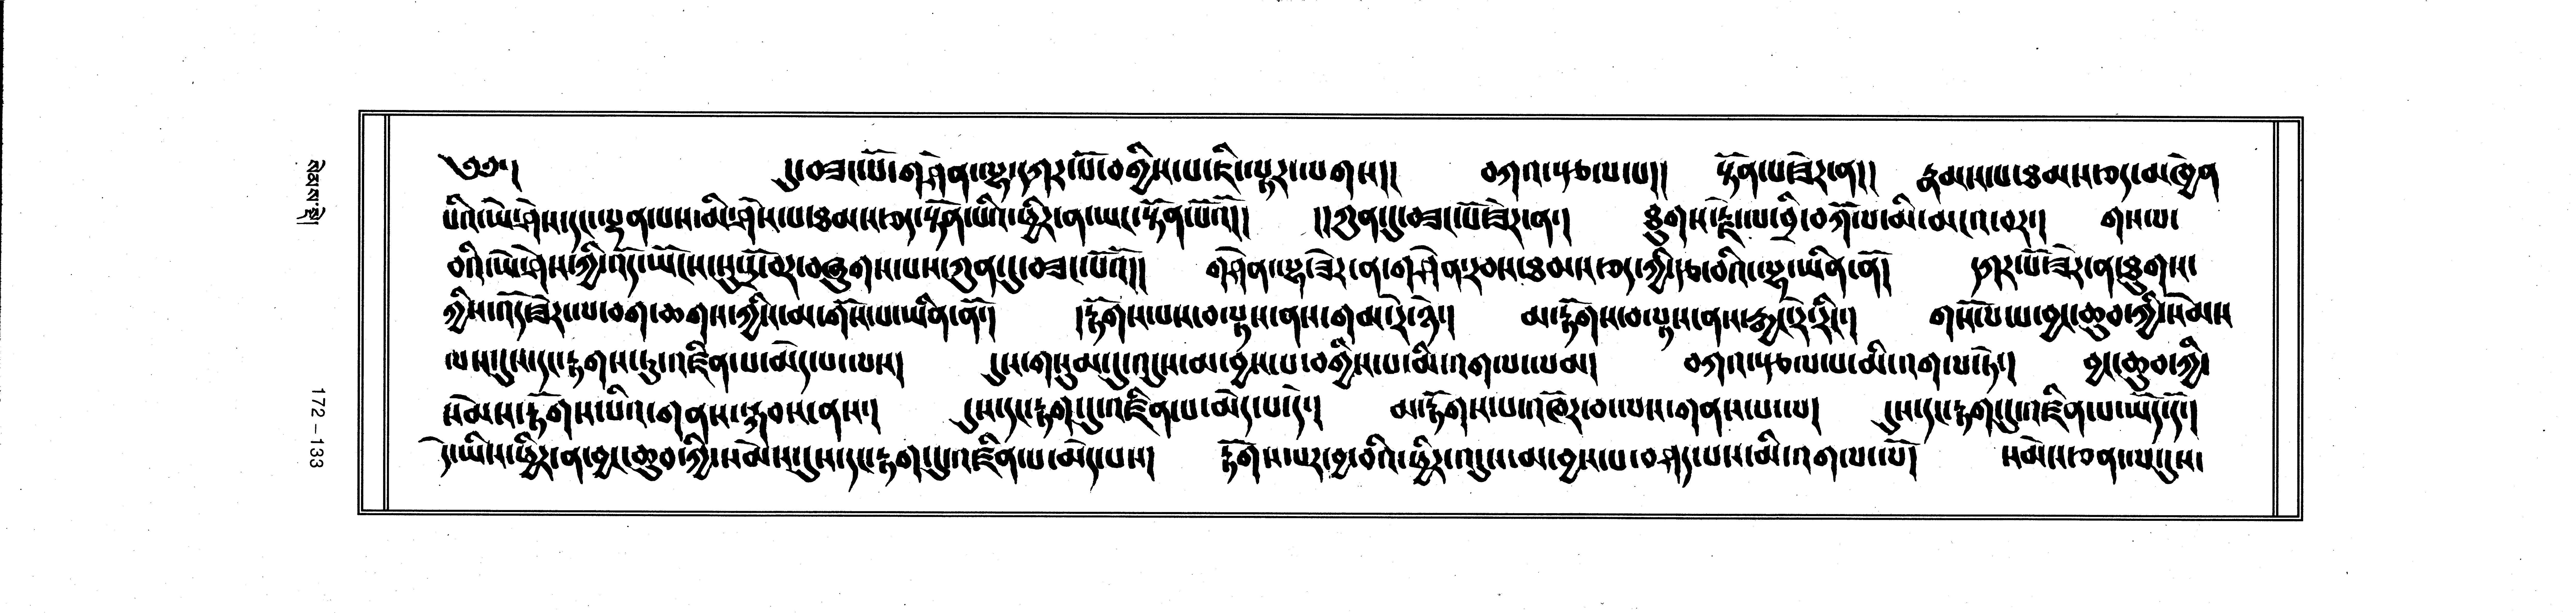དུ་བཟང་པོ་གཤེན་ལྷ་དཀར་པོ་བགྱིས་པ་ཇི་ལྟར་ལགས། བཀའ་སྩལ་པ། སྟོན་པ་ཟེར་ན། རྣམས་པ་ཐམས་ཅད་མཁྱེན་
པའི་ཡེ་ཤེས་དང་ལྡན་པས་མི་ཤེས་པ་ཐམས་ཅད་སྟོན་པའི་ཕྱིར་ན་ཡང་སྟོན་པའོ། ཀུན་དུ་བཟང་པོ་ཟེར་ན་ ཐུགས་རྗེ་ལ་བྲི་བཀོལ་མི་མངའ་བར། གསལ་
བའི་ཡེ་ཤེས་ཀྱི་འོད་ཡོངས་སུ་སྤོ་བར་བཞུགས་པས་ཀུན་དུ་བཟང་པོའི་ གཤེན་ལྷ་ཟེར་ན་གཤེན་རབས་ཐམས་ཅད་ཀྱི་རྩ་བའི་ལྷ་ཡིན་ནོ། དཀར་པོ་ཟེར་ན་ཐུགས་
ཀྱིས་འོད་ཟེར་ལ་བག་ཆགས་ཀྱིས་མ་གོས་པ་ཡིན་ནོ། རྟོགས་པས་བལྟས་ནས་གམ་རེ་ཉེ། མ་རྟོགས་བལྟས་ནས་རྒྱང་རེ་རིང་། གསོལ་པ་བྱང་ཆུབ་ཀྱི་སེམས་
ལས་དུས་དང་རྟགས་ཏུ་འཛིན་པ་མེད་པ་ལས། དུས་གསུམ་དུ་འདུས་མ་བྱས་པ་བགྱིས་པ་མི་འགལ་ལམ། བཀའ་སྩལ་པ་མི་འགལ་ཏེ། བྱང་ཆུབ་ཀྱི་
སེམས་རྟོགས་པའི་གནས་སྐབས་ནས། དུས་དང་རྟག་དུ་འཛིན་པ་མེད་པ་དེ། མ་རྟོགས་པ་འཁོར་བ་ལས་གནས་པ་ལ། དུས་དང་རྟག་དུ་འཛིན་པ་ཡོད་དོ། 
དེ་ཡིས་ཕྱིར་ན་བྱང་ཆུབ་ཀྱི་སེམས་དུས་འཛིན་པ་མེད་པས། རྟོགས་པར་བྱ་བའི་ཕྱིར་འདུས་མ་བྱས་པ་བཤད་པས་མི་འགལ་ལོ། སེམས་ཅན་ལ་དུས་